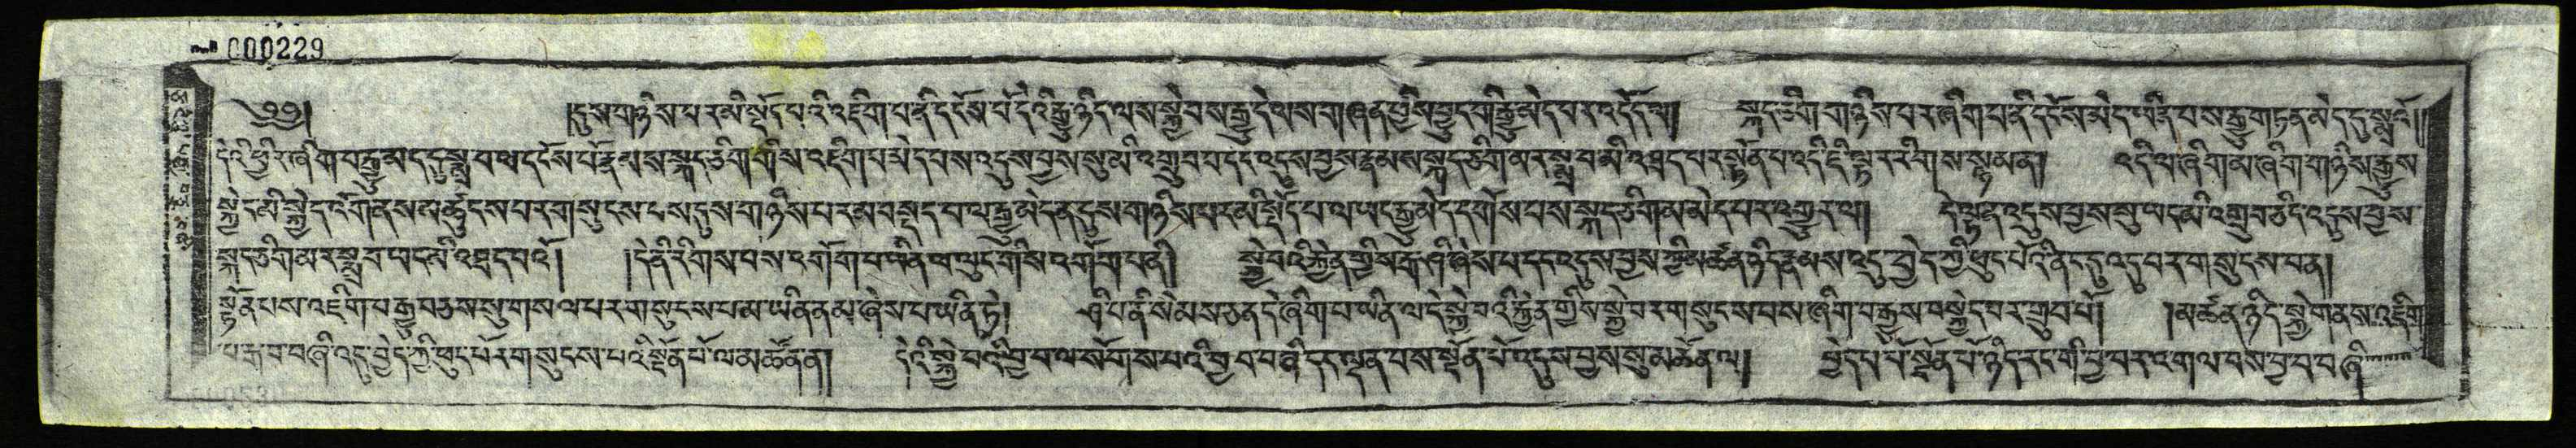༄༅། །དུས་གཉིས་པར་མི་སྡོད་པའི་འཇིག་པ་ནི་དངོས་པོ་དེའི་རྒྱུ་ཉིད་ལས་སྐྱེ་བས་རྒྱུ་དེ་ལས་གཞན་གྱིས་བྱུང་གི་རྒྱུ་མེད་པར་འདོད་ལ། སྐད་ཅིག་གཉིས་པར་ཞིག་པ་ནི་དངོས་མེད་ཡིན་པས་རྒྱུ་གཏན་མེད་དུ་སྨྲའོ།།
དེའི་ཕྱིར་ཞིག་པ་རྒྱུ་མད་དུ་སྨྲ་བ་ལ་དངོས་པོ་རྣམས་སྐད་ཅིག་གིས་འཇིག་པ་མེད་པས་འདུས་བྱས་སུ་མི་འགྲུབ་པ་དང་འདུས་བྱས་རྣམས་སྐད་ཅིག་མར་སྨྲ་བ་མི་འཐད་པར་སྟོན་པ་འདི་ཇི་ལྟར་རིགས་སྙམ་ན། འདི་ལ་ཞིག་མ་ཞིག་གཉིས་རྒྱུས་
སྐྱེད་མི་སྐྱེད་འོག་ནས་མཚུངས་པར་གསུངས་པས་དུས་གཉིས་པར་མ་བསྡད་པ་ལ་རྒྱུ་མེད་ན་དུས་གཉིས་པར་མི་སྡོད་པ་ལ་ཡང་རྒྱུ་མེད་དགོས་པས་སྐད་ཅིག་མ་མེད་པར་འགྱུར་ལ། དེ་ལྟ་ན་འདུས་བྱས་སུ་ཡང་མི་འགྲུབ་ཅིང་འདུས་བྱས་
སྐད་ཅིག་མར་སྨྲ་བ་ཡང་མི་འཐད་པའོ། །དེ་ནི་རིགས་པས་འགོག་པ་ཡིན་ལ་ལུང་གིས་འགོག་པ་ནི། སྐྱེ་བའི་རྐྱེན་གྱིས་རྒ་ཤི་ཞེས་པ་དང་འདུས་བྱས་ཀྱི་མཚན་ཉིད་རྣམས་འདུ་བྱེད་ཀྱི་ཕུང་པོའི་ནང་དུ་འདུ་བར་གསུངས་པ་ན།
སྟོན་པས་འཇིག་པ་རྒྱུ་བཅས་སུ་གསལ་པར་གསུངས་པ་མ་ཡིན་ནམ་ཞེས་པ་ཡིན་ཏེ། ཤི་པ་ནི་སེམས་ཅན་དེ་ཞིག་པ་ཡིན་ལ་དེ་སྐྱེ་བའི་རྐྱེན་གྱིས་སྐྱེ་བར་གསུངས་པས་ཞིག་པ་རྒྱུས་བསྐྱེད་པར་གྲུབ་པོ། །མཚན་ཉིད་སྐྱེ་གནས་འཇིག་
པ་རྒ་བ་བཞི་འདུ་བྱེད་ཀྱི་ཕུང་པོར་གསུངས་པའི་སྔོན་པོ་ལ་མཚོན་ན། དེའི་སྐྱེ་བའི་བྱ་བ་ལ་སོགས་པའི་བྱ་བ་བཞི་དང་ལྡན་པས་སྔོན་པོ་འདུས་བྱས་སུ་མཚོན་ལ། བྱེད་པ་པོ་སྔོན་པོ་ཉིད་རང་གི་བྱ་བར་འགལ་བས་བྱ་བ་བཞི་